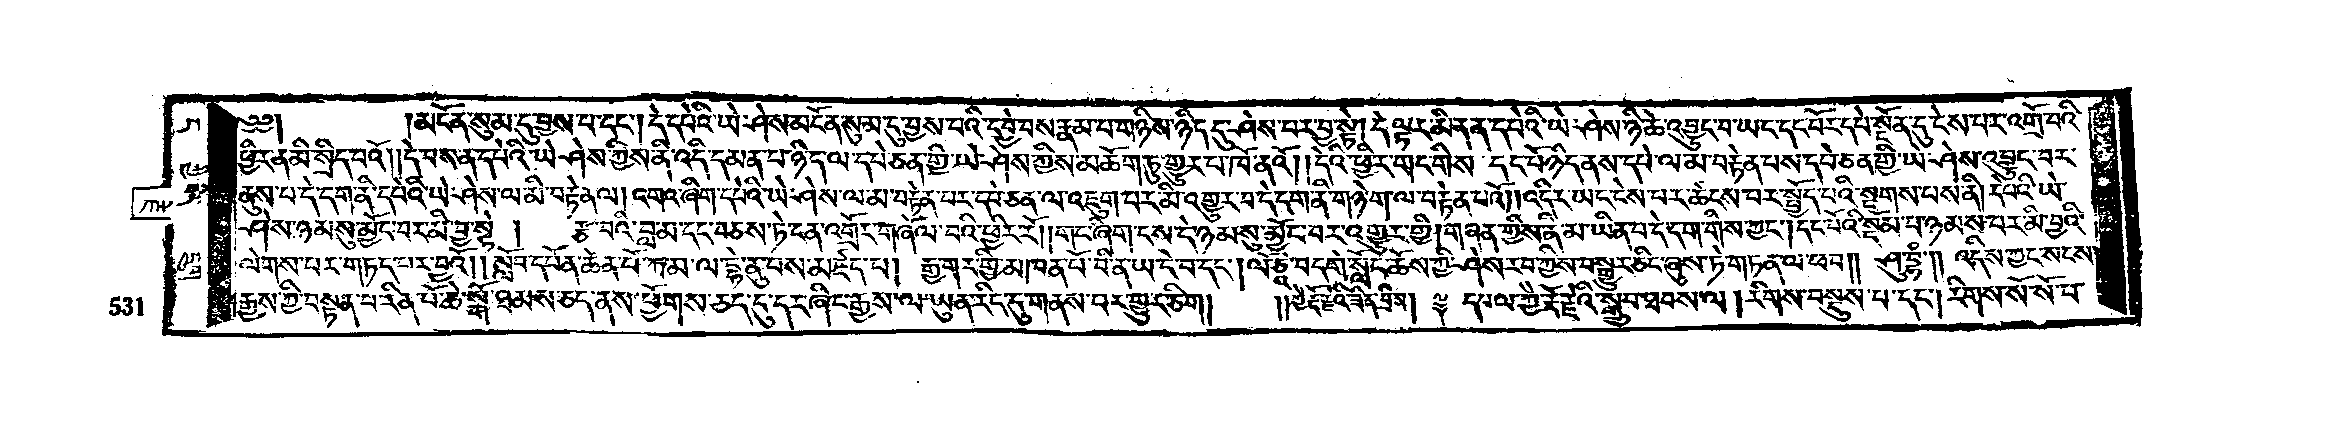༄༅། །མངོན་སུམ་དུ་བྱས་པ་དང་། དེ་དཔེའི་ཡེ་ཤེས་མངོན་སུམ་དུ་བྱས་པའི་དབྱེ་བས་རྣམ་པ་གཉིས་ཉིད་དུ་ཤེས་པར་བྱ་སྟེ། དེ་ལྟར་མིན་ན་དཔེའི་ཡེ་ཤེས་ཉི་ཚེ་འབྱུང་བ་ཡང་དང་པོར་དཔེ་སྔོན་དུ་ངེས་པར་འགྲོ་བའི་
ཕྱིར་ན་མི་སྲིད་པའོ། །དེ་བས་ན་དཔེའི་ཡེ་ཤེས་ཀྱིས་ནི་འདི་དམན་པ་ཉིད་ལ་དཔེ་ཅན་གྱི་ཡེ་ཤེས་ཀྱིས་མཆོག་ཏུ་གྱུར་པ་ཁོ་ནའོ། །དེའི་ཕྱིར་གང་གིས་དང་པོ་ཉིད་ནས་དཔེ་ལ་མ་བརྟེན་པས་དཔེ་ཅན་གྱི་ཡེ་ཤེས་འབྱུང་བར་
ནུས་པ་དེ་དག་ནི་དཔེའི་ཡེ་ཤེས་ལ་མི་བརྟེན་ལ། འགའ་ཞིག་དཔེའི་ཡེ་ཤེས་ལ་མ་བརྟེན་པར་དཔེ་ཅན་ལ་འཇུག་པར་མི་འགྱུར་བ་དེ་དག་ནི་གཉེ་ག་ལ་བརྟེན་པའོ། །འདིར་ཡང་ངེས་པར་ཚངས་པར་སྤྱོད་པའི་སྔགས་པས་ནི། རེ་པའི་ཡེ་
ཤེས་ཉམས་སུ་མྱོང་བར་མི་བྱ་སྟེ། རྩ་བའི་བླ་མ་དང་བཅས་ཏེ་ངན་འགྲོར་གཞོལ་བའི་ཕྱིར་རོ། །གང་ཞིག་ངས་དེ་ཉམས་སུ་མྱོང་བར་འགྱུར་གྱི། གཞན་གྱིས་ནི་མ་ཡིན་པ་དེ་དག་གིས་ཀྱང་། དང་པོའི་སྡོམ་པ་ཉམས་པར་མི་བྱའི་
ལེགས་པར་གཏད་པར་བྱའོ། །སློབ་དཔོན་ཆེན་པོ་ཀ་མ་ལ་དྷེ་ནུ་པས་མཛད་པ། རྒྱ་གར་གྱི་མཁན་པོ་བི་ན་ཡ་ངེ་བ་དང་། ལོ་ཙཱ་བ་དགེ་སློང་ཆོས་ཀྱི་ཤེས་རབ་ཀྱིས་བསྒྱུར་ཅིང་ཞུས་ཏེ་གཏན་ལ་ཕབ།། ཤུ་བྷཾ།། འདིས་ཀྱང་སངས་
རྒྱས་ཀྱི་བསྟན་པ་རིན་པོ་ཆེ་སྒོ་ཐམས་ཅད་ནས་ཕྱོགས་ཅད་དུ་དར་ཞིང་རྒྱས་ལ་ཡུན་རིང་དུ་གནས་པར་གྱུར་ཅིག ། །། ཀྱེ་རྡོ་རྗེའི་ཟིན་བྲིས། ༈ དཔལ་ཀྱཻ་རྡོ་རྗེའི་སྒྲུབ་ཐབས་ལ། རིགས་བསྡུས་པ་དང་། རིགས་སོ་སོ་པ་